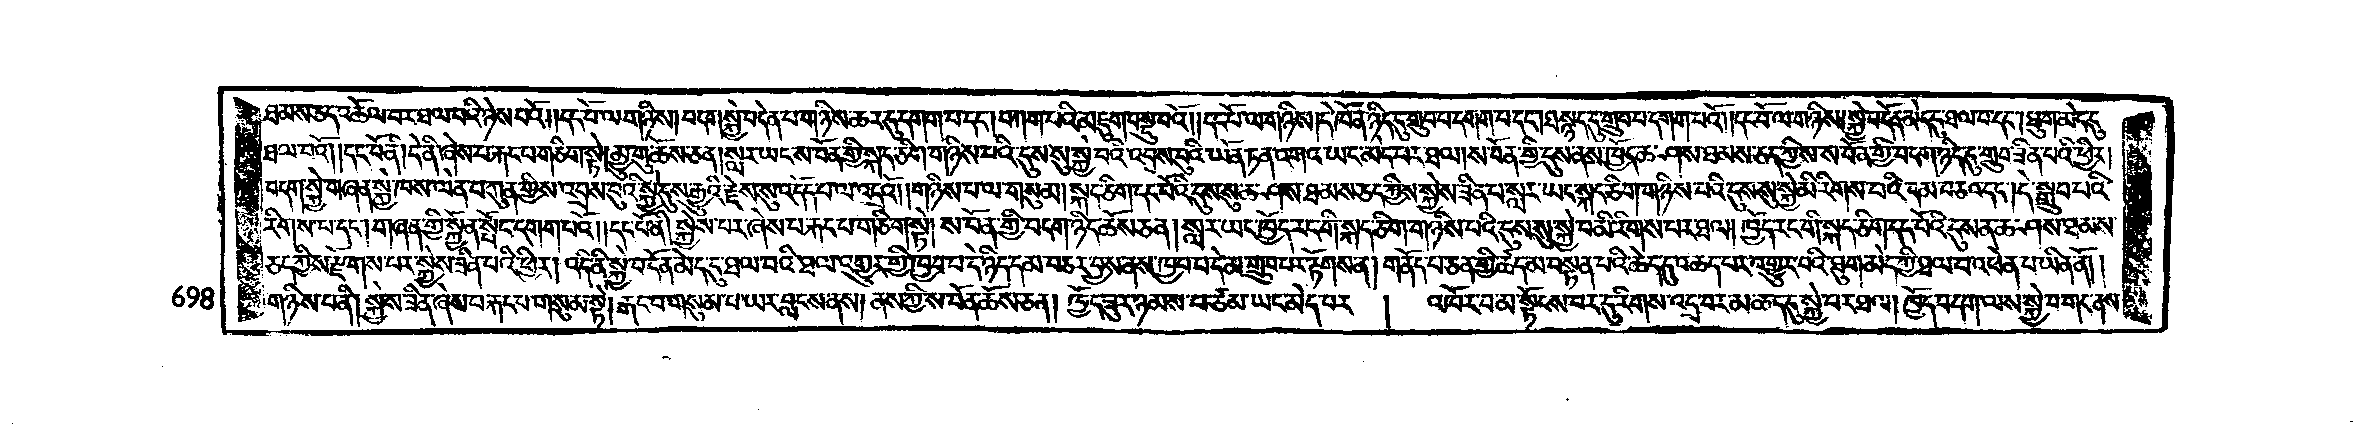ཐམས་ཅད་འཆོལ་བར་ཐལ་བའི་ཉེས་པའོ། །དང་པོ་ལ་གཉིས། བདག་སྐྱེ་བདེན་པ་གཉིས་ཆར་དུ་དགག་པ་དང་། བཀག་པའི་མཇུག་བསྡུ་བའོ། །དང་པོ་ལ་གཉིས། དེ་ཁོ་ན་ཉིད་དུ་གྲུབ་པ་དགག་པ་དང་། ཐ་སྙད་དུ་གྲུབ་པ་དགག་པའོ། །དང་པོ་ལ་གཉིས། སྐྱེ་བ་དོན་མེད་དུ་ཐལ་བ་དང་། ཐུག་མེད་དུ་
ཐལ་བའོ། །དང་པོ་ནི། དེ་ནི་ཞེས་པ་རྐང་པ་གཅིག་སྟེ། མྱུ་གུ་ཆོས་ཅན། སླར་ཡང་ས་བོན་གྱི་སྐད་ཅིག་གཉིས་པའི་དུས་སུ་སྐྱེ་བའི་འབྲས་བུའི་ཡོན་ཏན་འགའ་ཡང་མེད་པར་ཐལ། ས་བོན་གྱི་དུས་ནས་ཁྱོད་ཆ་ཤས་ཐམས་ཅད་ཀྱིས་ས་བོན་གྱི་བདག་ཉིད་དུ་གྲུབ་ཟིན་པའི་ཕྱིར།
བདག་སྐྱེ་གཞན་སྐྱེ་ཁས་ལེན་པ་ཀུན་གྱིས་འབྲས་བུའི་སྐྱེ་དུས་རྒྱུའི་རྗེས་སུ་འདོད་པ་ལ་འདྲའོ། །གཉིས་པ་ལ་གསུམ། སྐད་ཅིག་དང་པོའི་དུས་སུ་ཆ་ཤས་ཐམས་ཅད་ཀྱིས་སྐྱེས་ཟིན་པ་སླར་ཡང་སྐད་ཅིག་གཉིས་པའི་དུས་སུ་སྐྱེ་མི་རིགས་པའི་དམ་བཅའ་དང་། དེ་སྒྲུབ་པའི་
རིགས་པ་དང་། གཞན་གྱི་སྐྱོན་སྤོང་དགག་པའོ། །དང་པོ་ནི། སྐྱེས་པར་ཞེས་པ་རྐང་པ་གཅིག་སྟེ། ས་བོན་གྱི་བདག་ཉིད་ཆོས་ཅན། སླར་ཡང་ཁྱོད་རང་གི་སྐད་ཅིག་གཉིས་པའི་དུས་སུ་སྐྱེ་བ་མི་རིགས་པར་ཐལ། ཁྱོད་རང་གི་སྐད་ཅིག་དང་པོའི་དུས་ན་ཆ་ཤས་ཐམས་
ཅད་ཀྱིས་རྫོགས་པར་སྐྱེས་ཟིན་པའི་ཕྱིར། འདི་ནི་སྐྱེ་བ་དོན་མེད་དུ་ཐལ་བའི་ཐལ་འགྱུར་གྱི་ཁྱབ་པ་དེ་ཉིད་དམ་བཅར་བྱས་ནས་ཁྱབ་པ་དེ་མ་གྲུབ་པར་རྟོགས་ན། གནོད་པ་ཅན་གྱི་ཚད་མ་བསྟན་པའི་ཆེད་དུ་འཆད་པར་འགྱུར་བའི་ཐུག་མེད་ཀྱི་ཐལ་བ་འཕེན་པ་ཡིན་ནོ། །
གཉིས་པ་ནི། སྐྱེས་ཟིན་ཞེས་པ་རྐང་པ་གསུམ་སྟེ། རྐང་པ་གསུམ་པ་ཡར་བླངས་ནས། ནས་ཀྱི་ས་བོན་ཆོས་ཅན། ཁྱོད་ཟུར་ཉམས་པ་ཙམ་ཡང་མེད་པར། འཁོར་བ་མ་སྟོངས་བར་དུ་རིགས་འདྲ་བར་མ་ཆད་དུ་སྐྱེ་བར་ཐལ། ཁྱོད་བདག་ལས་སྐྱེ་བ་གང་ནས་